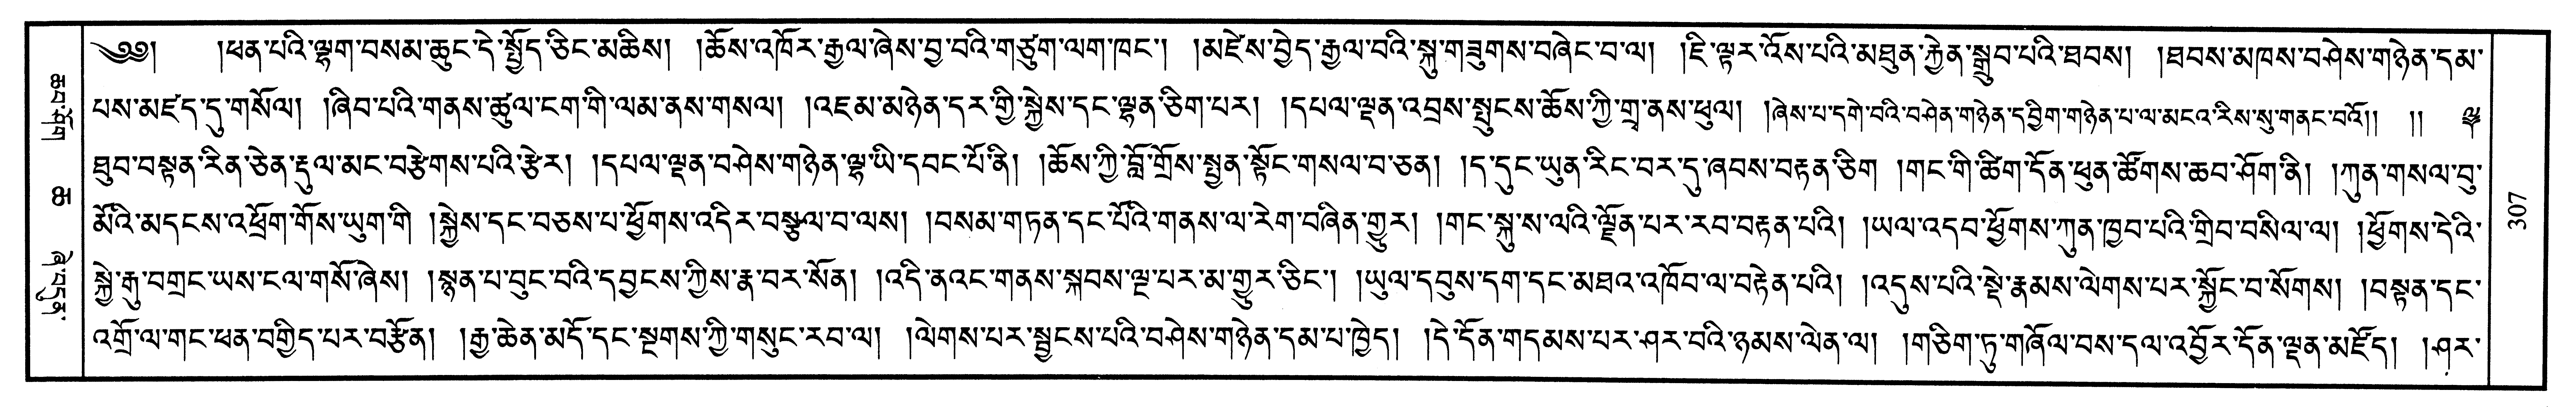༄༅། །ཕན་པའི་ལྷག་བསམ་ཆུང་དེ་སྤྱོད་ཅིང་མཆིས། །ཆོས་འཁོར་རྒྱལ་ཞེས་བྱ་བའི་གཙུག་ལག་ཁང་། །མཛེས་བྱེད་རྒྱལ་བའི་སྐུ་གཟུགས་བཞེང་བ་ལ། །ཇི་ལྟར་འོས་པའི་མཐུན་རྐྱེན་སྒྲུབ་པའི་ཐབས། །ཐབས་མཁས་བཤེས་གཉེན་དམ་
པས་མཛད་དུ་གསོལ། །ཞིབ་པའི་གནས་ཚུལ་ངག་གི་ལམ་ནས་གསལ། །འཇམ་མཉེན་དར་གྱི་སྐྱེས་དང་ལྷན་ཅིག་པར། །དཔལ་ལྡན་འབྲས་སྤུངས་ཆོས་ཀྱི་གྲྭ་ནས་ཕུལ། །ཞེས་པ་དགེ་བའི་བཤེན་གཉེན་དབྱིག་གཉེན་པ་ལ་མངའ་རིས་སུ་གནང་བའོ།། །། ༈
ཐུབ་བསྟན་རིན་ཅེན་རྡུལ་མང་བརྩེགས་པའི་རྩེར། །དཔལ་ལྡན་བཤེས་གཉེན་ལྷ་ཡི་དབང་པོ་ནི། །ཆོས་ཀྱི་བློ་གྲོས་སྤྱན་སྟོང་གསལ་བ་ཅན། །ད་དུང་ཡུན་རིང་བར་དུ་ཞབས་བརྟན་ཅིག །གང་གི་ཚིག་དོན་ཕུན་ཚོགས་ཆབ་ཤོག་ནི། །ཀུན་གསལ་བུ་
མོའི་མདངས་འཕྲོག་གོས་ཡུག་གི །སྐྱེས་དང་བཅས་པ་ཕྱོགས་འདིར་བསྩལ་བ་ལས། །བསམ་གཏན་དང་པོའི་གནས་ལ་རེག་བཞིན་གྱུར། །གང་སྐུ་ས་ལའི་ལྗོན་པར་རབ་བརྟན་པའི། །ཡལ་འདབ་ཕྱོགས་ཀུན་ཁྱབ་པའི་གྲིབ་བསིལ་ལ། །ཕྱོགས་དེའི་
སྐྱེ་རྒུ་བགྲང་ཡས་ངལ་གསོ་ཞེས། །སྙན་པ་བུང་བའི་དབྱངས་ཀྱིས་རྣ་བར་སོན། །འདི་ནའང་གནས་སྐབས་ལྔ་པར་མ་གྱུར་ཅིང་། །ཡུལ་དབུས་དག་དང་མཐའ་འཁོབ་ལ་བརྟེན་པའི། །འདུས་པའི་སྡེ་རྣམས་ལེགས་པར་སྐྱོང་བ་སོགས། །བསྟན་དང་
འགྲོ་ལ་གང་ཕན་བགྱིད་པར་བརྩོན། །རྒྱ་ཆེན་མདོ་དང་སྔགས་ཀྱི་གསུང་རབ་ལ། །ལེགས་པར་སྦྱངས་པའི་བཤེས་གཉེན་དམ་པ་ཁྱེད། །དེ་དོན་གདམས་པར་ཤར་བའི་ཉམས་ལེན་ལ། །གཅིག་ཏུ་གཞོལ་བས་དལ་འབྱོར་དོན་ལྡན་མཛོད། །ཤར་